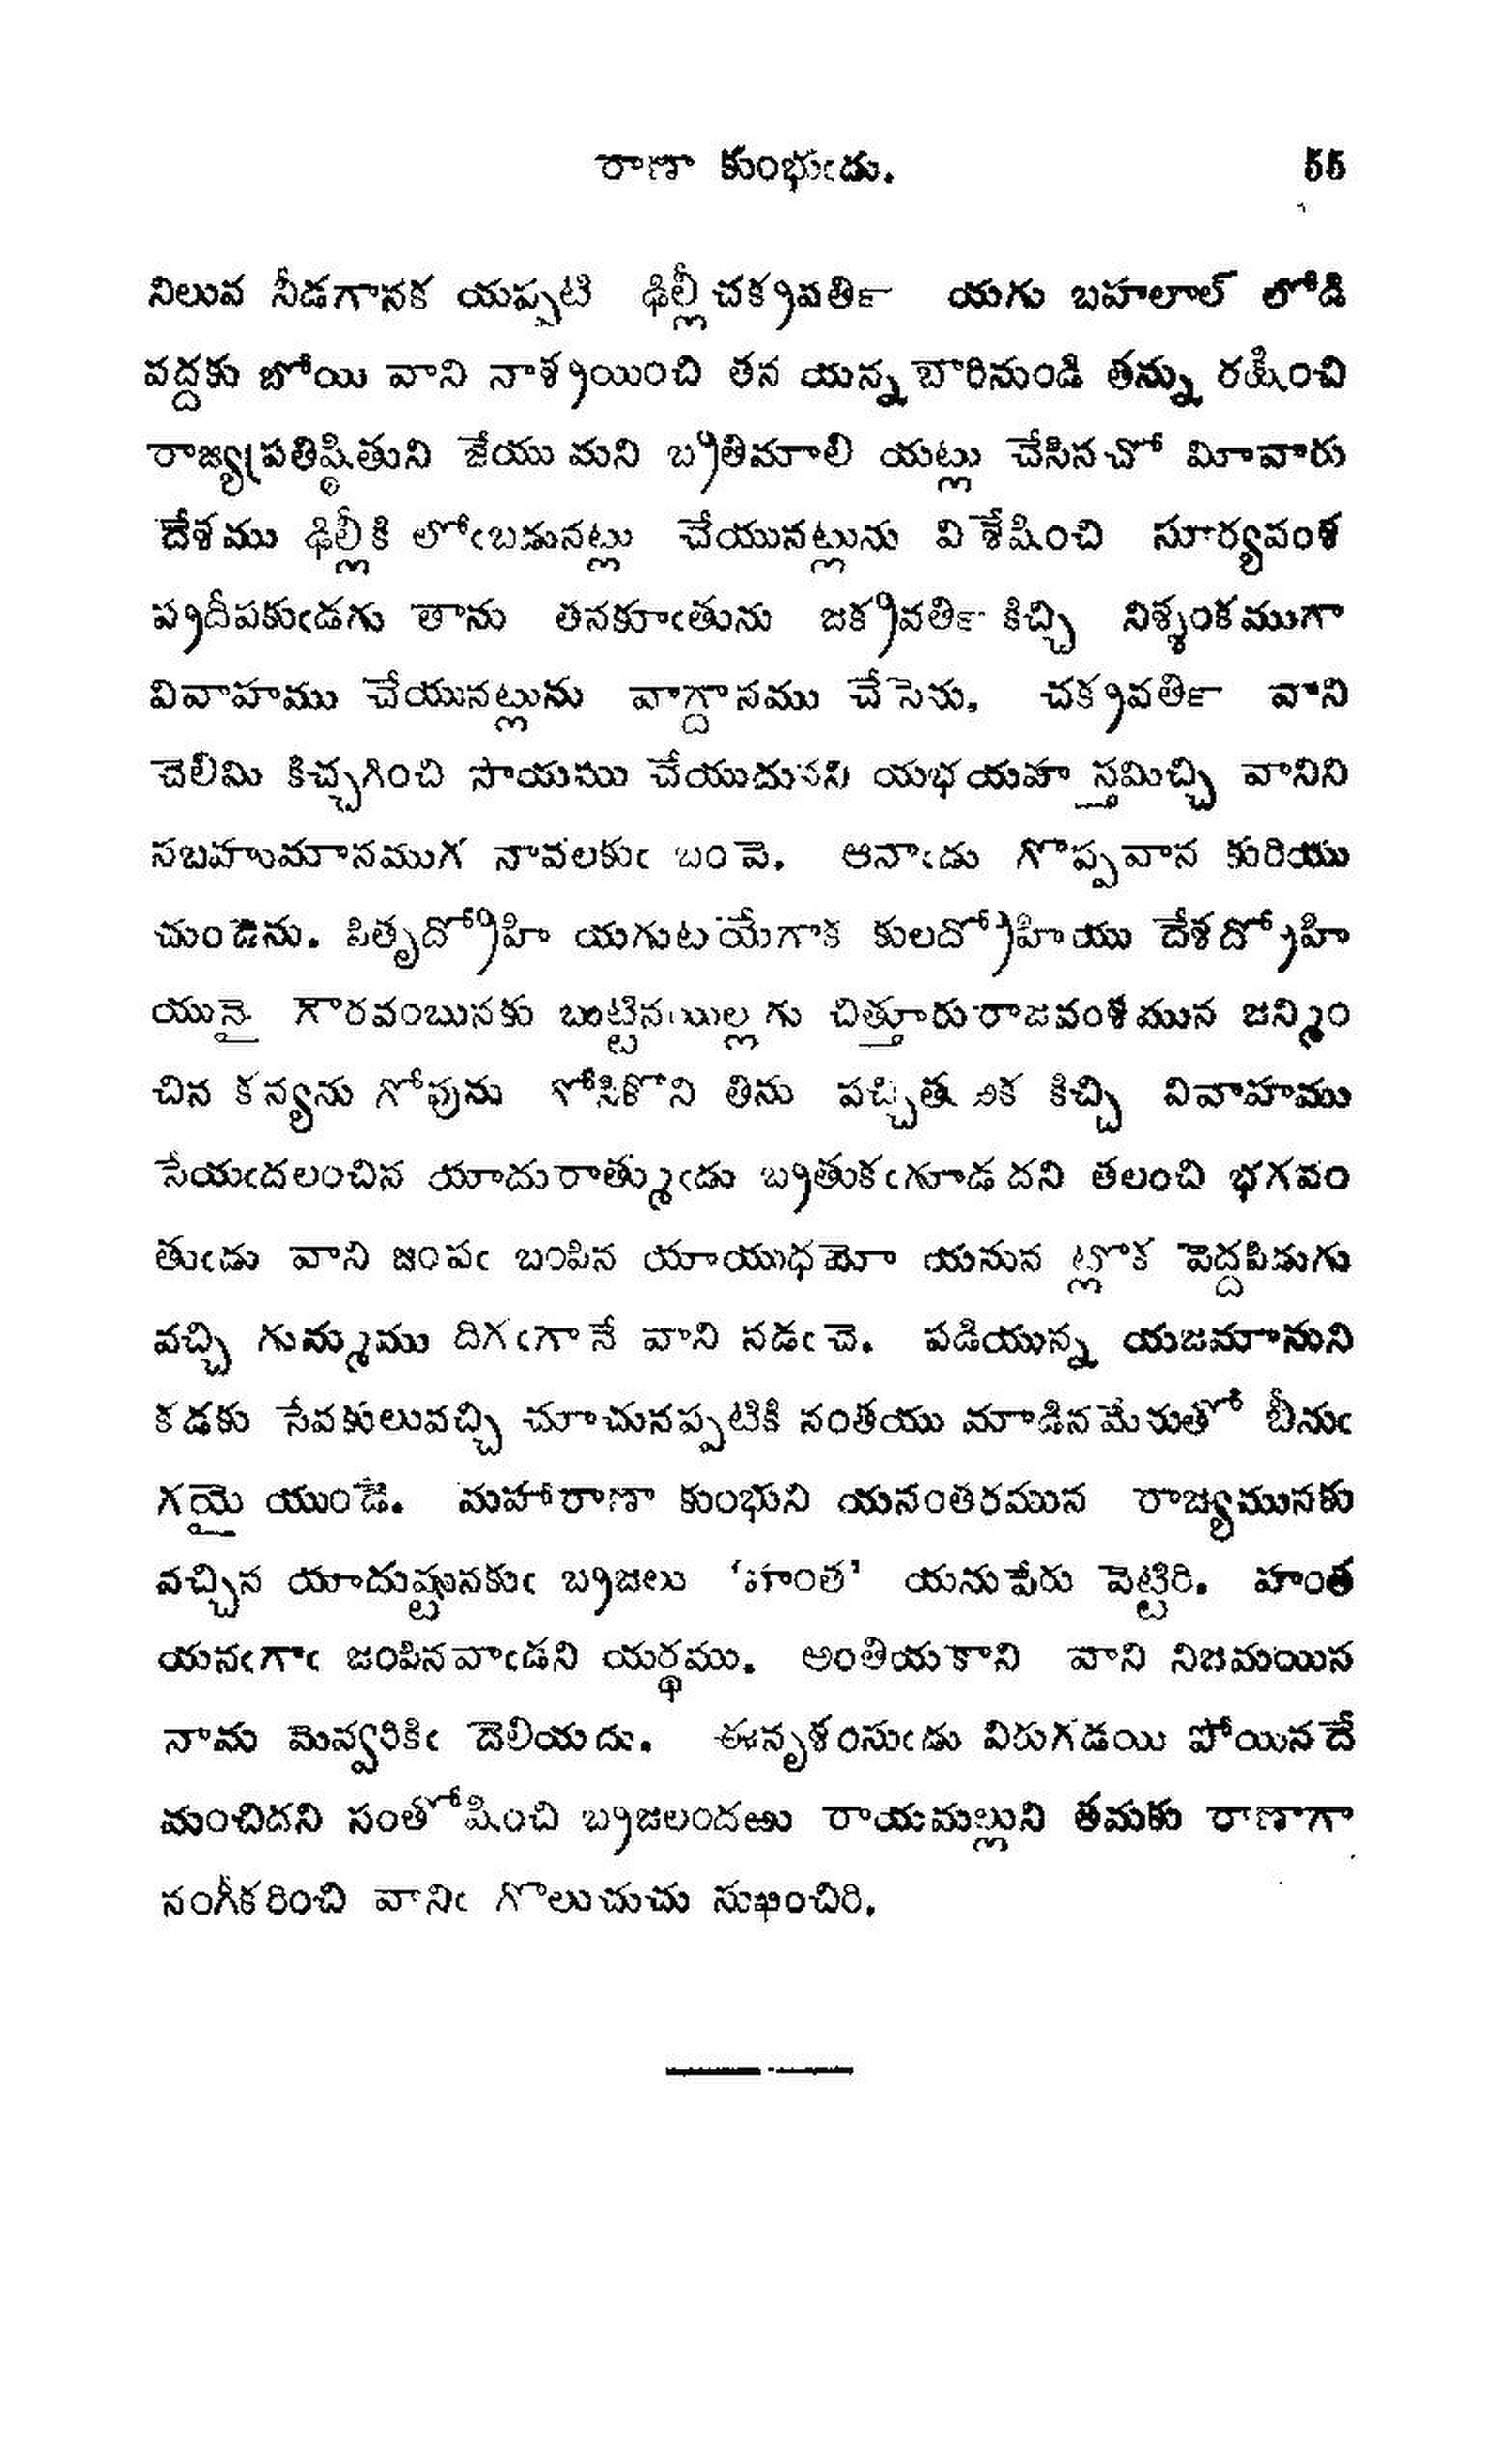నిలువ నీడగానక యప్పటి ఢిల్లీ చక్రపతి౯ యగు బహలాల్ లోడి వద్దకు బోయి వాని నాశ్రయించి తన యన్న బారినుండి తన్ను రక్షించి
రాజ్య ప్రతిష్ఠితుని జేయు మని బ్రతిమాలి యట్లు చేసినచో మీవారు దేశము ఢిల్లీకి లోఁబడునట్లు చేయునట్లును విశేషించి సూర్యవంశ
ప్రదీపకుఁడగు తాను తనకూఁతును జక్రవతి౯ కిచ్చి నిశ్శంకముగా వివాహము చేయునట్లును వాగ్దానము చేసెను, చక్రవతి౯ వాని చెలిమి కిచ్చగించి సాయము చేయుదునని యభయహస్తమిచ్చి వానిని సబహుమానముగ నావలకుఁ బంపె. ఆనాఁడు గొప్ప వాన కురియు చుండెను. పితృదోహి యగుటయేగాక కులద్రోహియు దేశద్రోహి యునై గొరవంబునకు బుట్టినయిల్లగు చిత్తూరు రాజవంశమున జన్మించిన కన్యను గోవును గోపికోని తిను పచ్చితుఱక కిచ్చి వివాహము సేయఁదలంచిన యాదురాత్ముఁడు బతుకఁ గూడదని తలంచి భగవంతుఁడు వాని జంపఁ బంపిన యాయుధమో యనునట్లోక 'పెద్దపిడుగు వచ్చి గుమ్మము దిగఁగానే వాని నడఁచె. పడియున్న యజమానుని కడకు సేవకులు వచ్చి చూచునప్పటికీ నంతయు మాడిన మేనుతో బీనుఁగయై యుండే. మహారాణా కుంభుని యనంతరమున రాజ్యమునకు వచ్చిన యాదుష్టునకుఁ బజలు హంత' యను పేరు పెట్టిరి. హంత యనఁగాఁ జంపినవాఁడని యర్థము. అంతియ కాని వాని నిజమయిన నామ మెవ్వరికిఁ దెలియదు. ఈనృశంసుఁడు విరుగడయి పోయినదే మంచిదని సంతోషించి బ్రజలందఱు రాయమల్లుని తమకు రాణాగా నంగీకరించి వానిఁ గొలుచుచు సుఖించిరి.